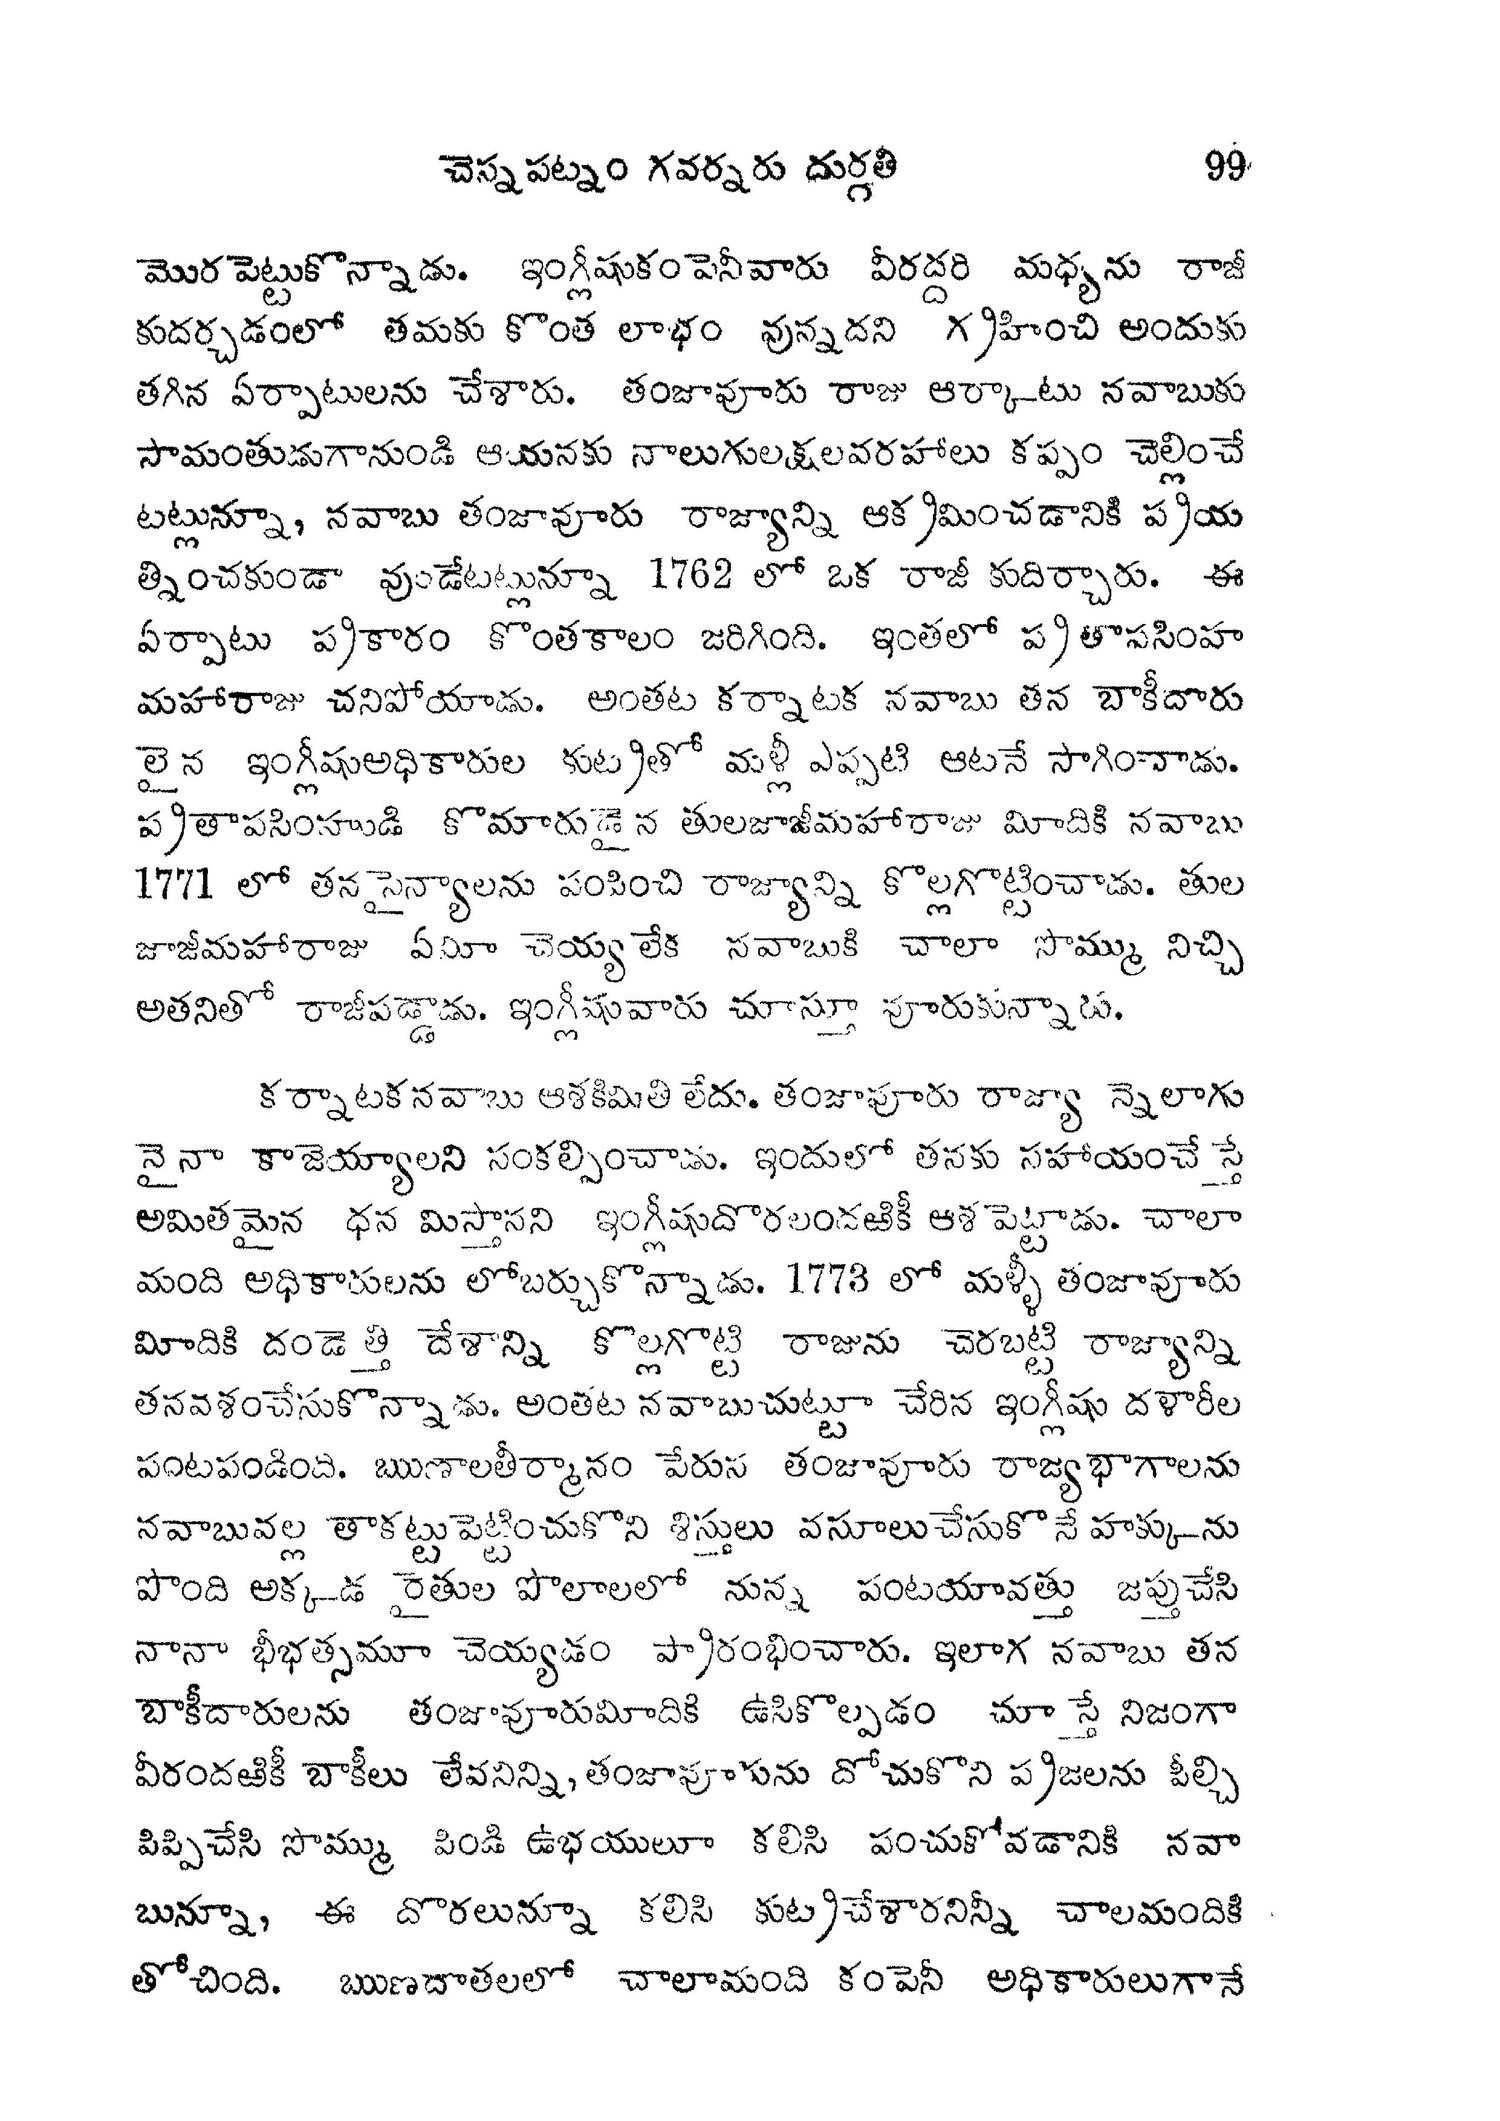మొరపెట్టుకొన్నాడు. ఇంగ్లీషుకంపెనీవారు వీరిద్దరి మధ్యను రాజీ కుదర్చడంలో తమకు కొంత లాభం వున్నదని గ్రహించి అందుకు తగిన ఏర్పాటు చేశారు. తంజావూరు రాజు ఆర్కాటు నవాబుకు సామంతుడిగానుండి ఆయనకు నాలుగులక్షలవరహాలు కప్పం చెల్లించే టట్లున్నూ, నవాబు తంజావూరు రాజ్యాన్ని ఆక్రమించడానికి ప్రయత్నించకుండా వుండేటట్లున్నూ 1762 లో ఒక రాజీ కుదిర్చారు. ఈ ఏర్పాటు ప్రకారం కొంతకాలం జరిగింది. ఇంతలో ప్రతాపసింహ మహారాజు చనిపొయాడు. అంతట కర్నాటక నవాబు తన బాకీదారు లైన ఇంగ్లీషుధికారుల కుట్రతో మళ్లీ ఎప్పటి ఆటనె సాగించాడు. ప్రతాపసింహుడి కొమారుడైన తులజాజీమహారాజు మీదికి నవాబు 1771 లో తనసైన్యాలను పంపించి రాజ్యాన్ని కొల్లగొట్టించాడు. తులజాజీమహారాజు ఏమీ చెయ్యలేక నవాబుకి చాలా సొమ్ము నిచ్చి అతనితో రాజీపడ్డాడు. ఇంగ్లీషువారు చూస్తూ వూరుకున్నారు.

కర్నాటకనవాబు ఆశకిమితిలేదు. తంజావూరు రాజ్యాన్నెలాగునైనా కాజెయ్యాలని సంకల్పించాడు. ఇందులో తనకు సహాయంచేస్తే అమితమైన ధన మిస్తానని ఇంగ్లీషుదొరలందఱికీ ఆశపెట్టాడు. చాలా మంది అధికారులను లోబర్చుకొన్నాడు. 1773 లో మళ్లీ తంజాఫూరు మీదికి దండేత్తి దేశాన్ని కొల్లగొట్టి రాజును చెరబట్టి రాజ్యాన్ని తనవశంచేసుకొన్నాడు. అంతట నవాబుచుట్టూ చేరిన ఇంగ్లీషు దళారీల పంటపండింది. ఋణాలతీర్మానం పేరున తంజావూరు రాజ్యభాగాలను నవాబువల్ల తాకట్టుపెట్టించుకొని శిస్తులు వసూలు చేసుకొనే హక్కును పొంది అక్కడ రైతుల పొలాలలో నున్న పంటయావత్తు జప్తుచేసి నానా భీభత్సమూ చెయ్యడం ప్రారంభించారు. ఇలాగ నవాబు తన బాకీదారులను తంజావూరుమీదికి ఉసికొల్పడం చూస్తే నిజంగా వీరందఱికీ బాకీలు లేవనిన్ని, తంజావూరును దోచుకొని ప్రజలను పీల్చిపిప్పిచేసి సొమ్ము పిండి ఉభయులూ కలిసి పంచుకోవడానికి నవాబున్నూ, ఈ దొరలున్నూ, కలిసి కుట్రచేశారనిన్నీ చాలమందికి తోచింది. ఋణదాతలలో చాలామంది కంపెనీ అధికారులుగానే